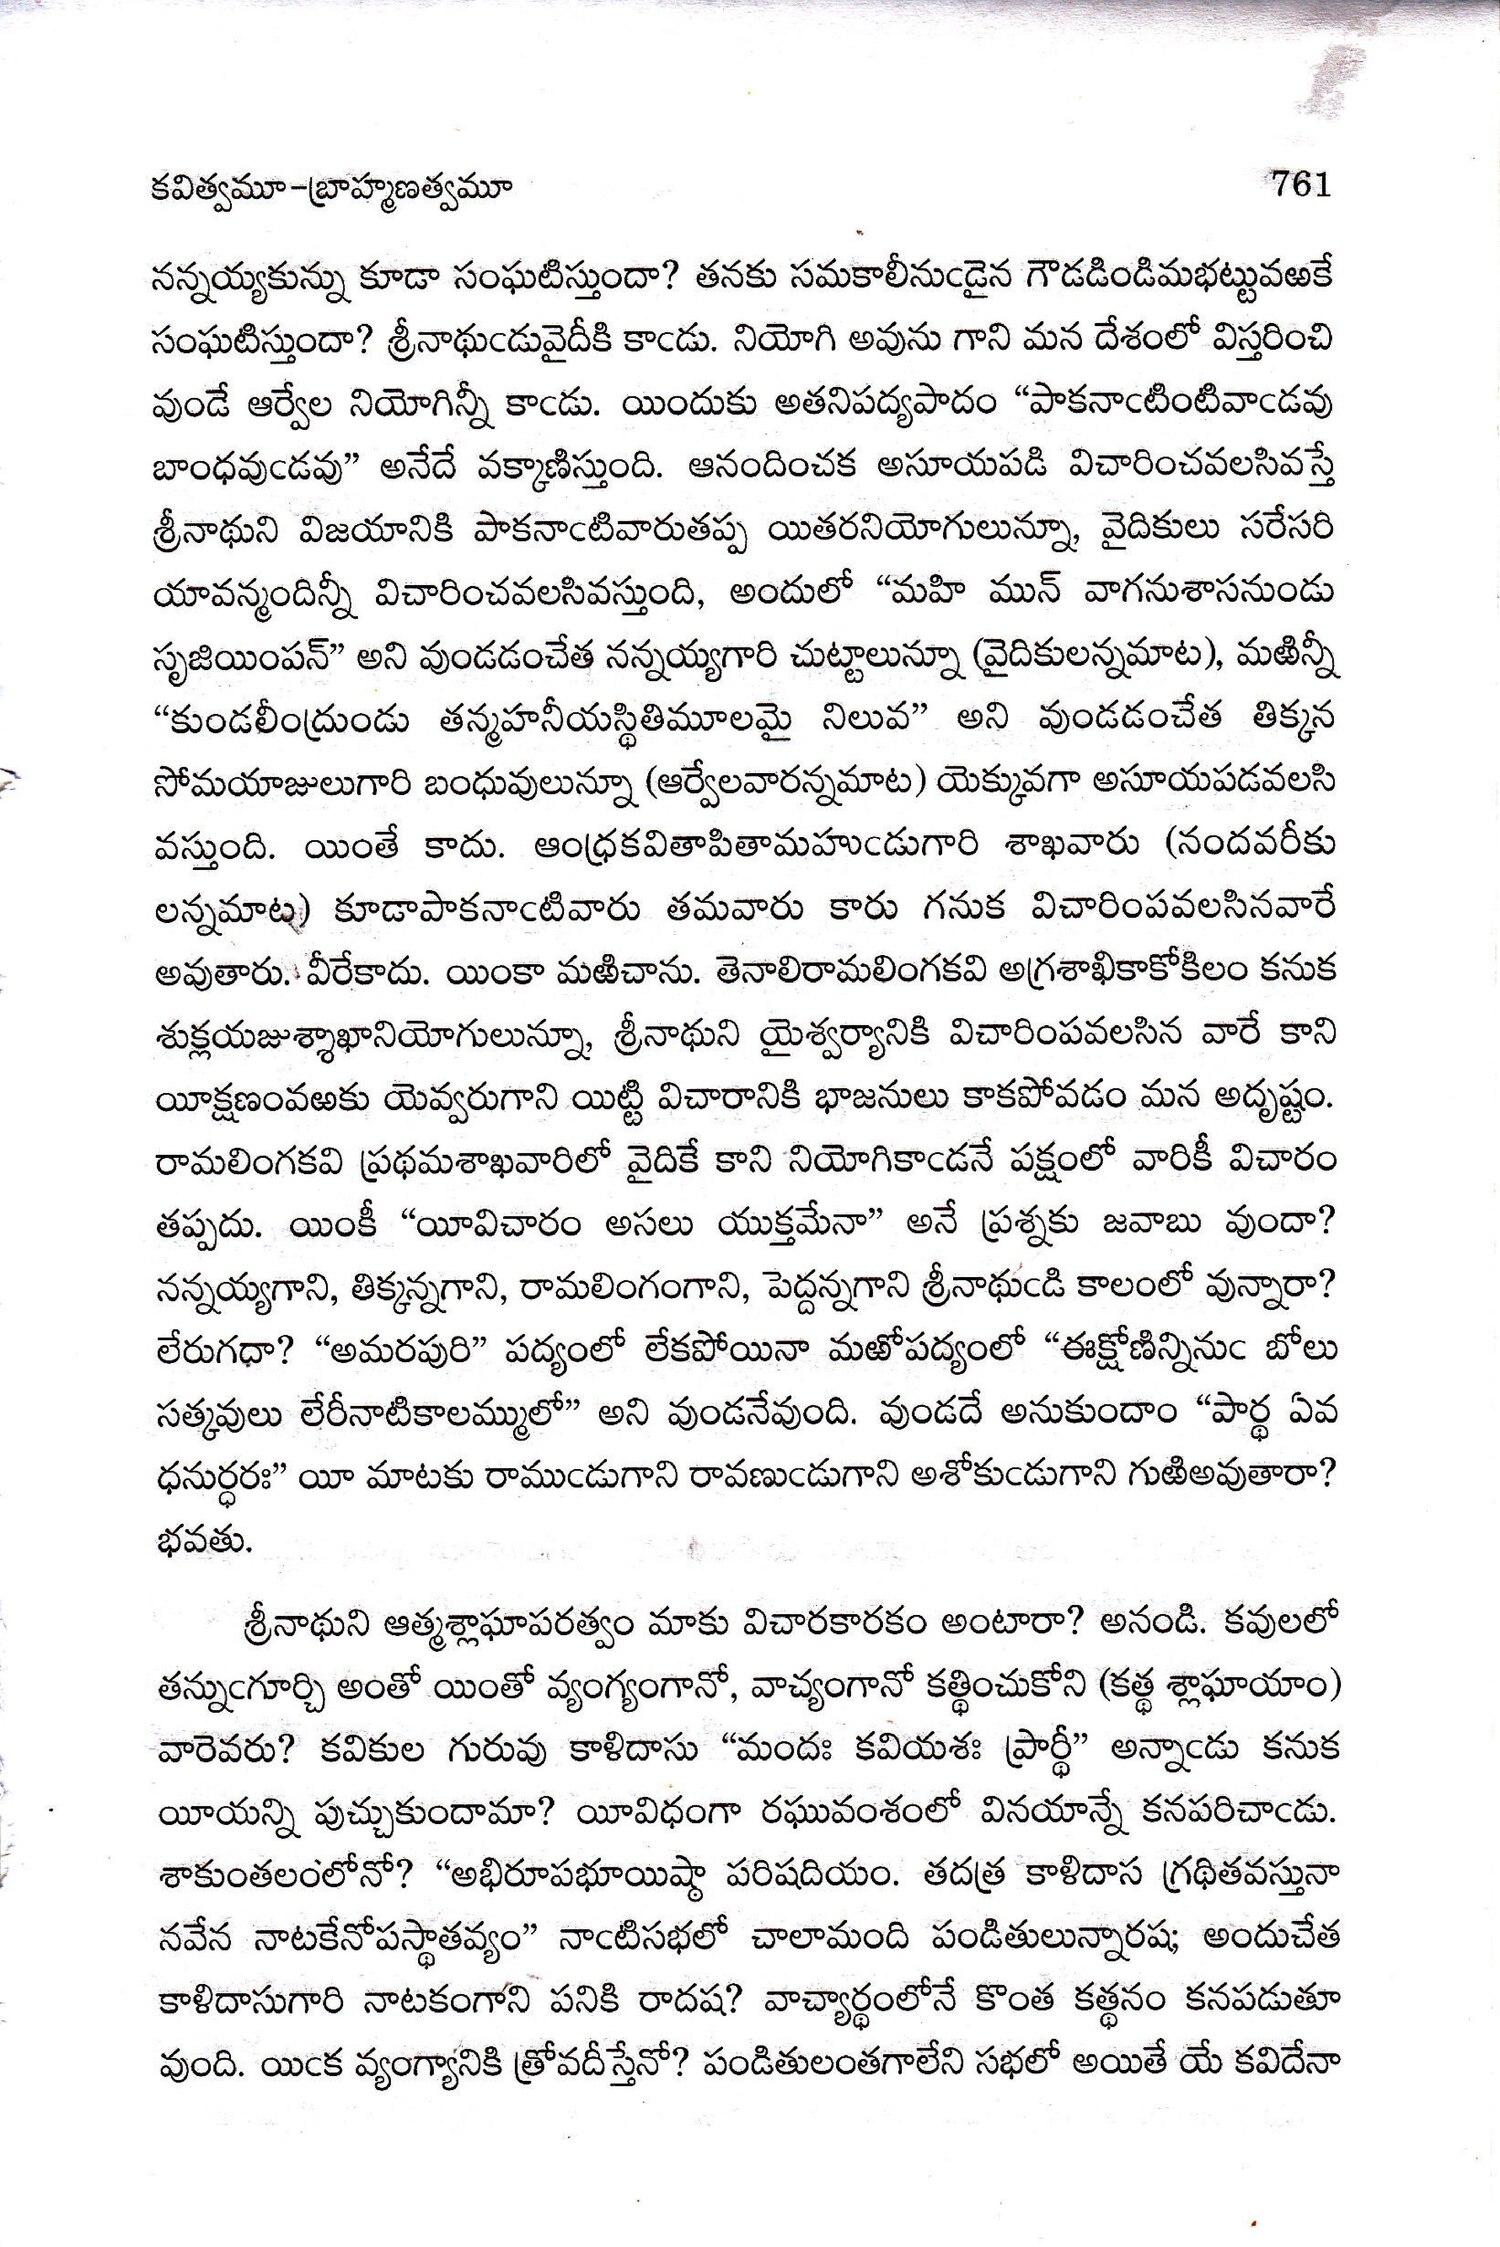నన్నయ్యకున్ను కూడా సంఘటిస్తుందా? తనకు సమకాలీనుఁడైన గౌడడిండిమభట్టువఱకే సంఘటిస్తుందా? శ్రీనాథుఁడువైదీకి కాఁడు. నియోగి అవును గాని మన దేశంలో విస్తరించి వుండే ఆర్వేల నియోగిన్నీ కాఁడు. యిందుకు అతనిపద్యపాదం "పాకనాఁటింటివాఁడవు బాంధవుఁడవు" అనేదే వక్కాణిస్తుంది. ఆనందించక అసూయపడి విచారించవలసివస్తే శ్రీనాథుని విజయానికి పాకనాఁటివారుతప్ప యితరనియోగులున్నూ, వైదికులు సరేసరి యావన్మందిన్నీ విచారించవలసివస్తుంది, అందులో "మహి మున్ వాగనుశాసనుండు సృజియింపన్" అని వుండడంచేత నన్నయ్యగారి చుట్టాలున్నూ (వైదికులన్నమాట), మఱిన్నీ “కుండలీంద్రుండు తన్మహనీయస్థితిమూలమై నిలువ" అని వుండడంచేత తిక్కన సోమయాజులుగారి బంధువులున్నూ (ఆర్వేలవారన్నమాట) యెక్కువగా అసూయపడవలసి వస్తుంది. యింతే కాదు. ఆంధ్రకవితాపితామహుఁడుగారి శాఖవారు (నందవరీకు లన్నమాట) కూడా పాకనాఁటివారు తమవారు కారు గనుక విచారింపవలసినవారే అవుతారు.వీరేకాదు. యింకా మఱిచాను. తెనాలిరామలింగకవి అగ్రశాఖికాకోకిలం కనుక శుక్లయజుశ్శాఖానియోగులున్నూ, శ్రీనాథుని యైశ్వర్యానికి విచారింపవలసిన వారే కాని యీక్షణంవఱకు యెవ్వరుగాని యిట్టి విచారానికి భాజనులు కాకపోవడం మన అదృష్టం. రామలింగకవి ప్రథమశాఖవారిలో వైదికే కాని నియోగికాఁడనే పక్షంలో వారికీ విచారం తప్పదు. యింకీ “యి"విచారం అసలు యుక్తమేనా" అనే ప్రశ్నకు జవాబు వుందా? నన్నయ్యగాని, తిక్కన్నగాని, రామలింగంగాని, పెద్దన్నగాని శ్రీనాథుఁడి కాలంలో వున్నారా? లేరుగదా? “అమరపురి" పద్యంలో లేకపోయినా మఱోపద్యంలో "ఈక్షోణిన్నినుఁ బోలు సత్కవులు లేరీనాటికాలమ్ములో" అని వుండనేవుంది. వుండదే అనుకుందాం "పార్థ ఏవ ధనుర్ధరః" యీ మాటకు రాముఁడుగాని రావణుఁడుగాని అశోకుఁడుగాని గుఱిఅవుతారా? భవతు.

శ్రీనాథుని ఆత్మశ్లాఘాపరత్వం మాకు విచారకారకం అంటారా? అనండి. కవులలో తన్నుఁగూర్చి అంతో యింతో వ్యంగ్యంగానో, వాచ్యంగానో కత్థించుకోని (కత్థ శాఘాయాం) వారెవరు? కవికుల గురువు కాళిదాసు “మందః కవియశః ప్రార్థీ" అన్నాఁడు కనుక యీయన్ని పుచ్చుకుందామా? యీ విధంగా రఘువంశంలో వినయాన్నే కనపరిచాఁడు. శాకుంతలంలోనో? “అభిరూపభూయిష్ఠా పరిషదియం. తదత్ర కాళిదాస గ్రథితవస్తునా నవేన నాటకేనోపస్థాతవ్యం" నాఁటిసభలో చాలామంది పండితులున్నారషః అందుచేత కాళిదాసుగారి నాటకంగాని పనికి రాదష? వాచ్యార్థంలోనే కొంత కత్థనం కనపడుతూ వుంది. యిఁక వ్యంగ్యానికి త్రోవదీస్తేనో? పండితులంతగాలేని సభలో అయితే యే కవిదేనా